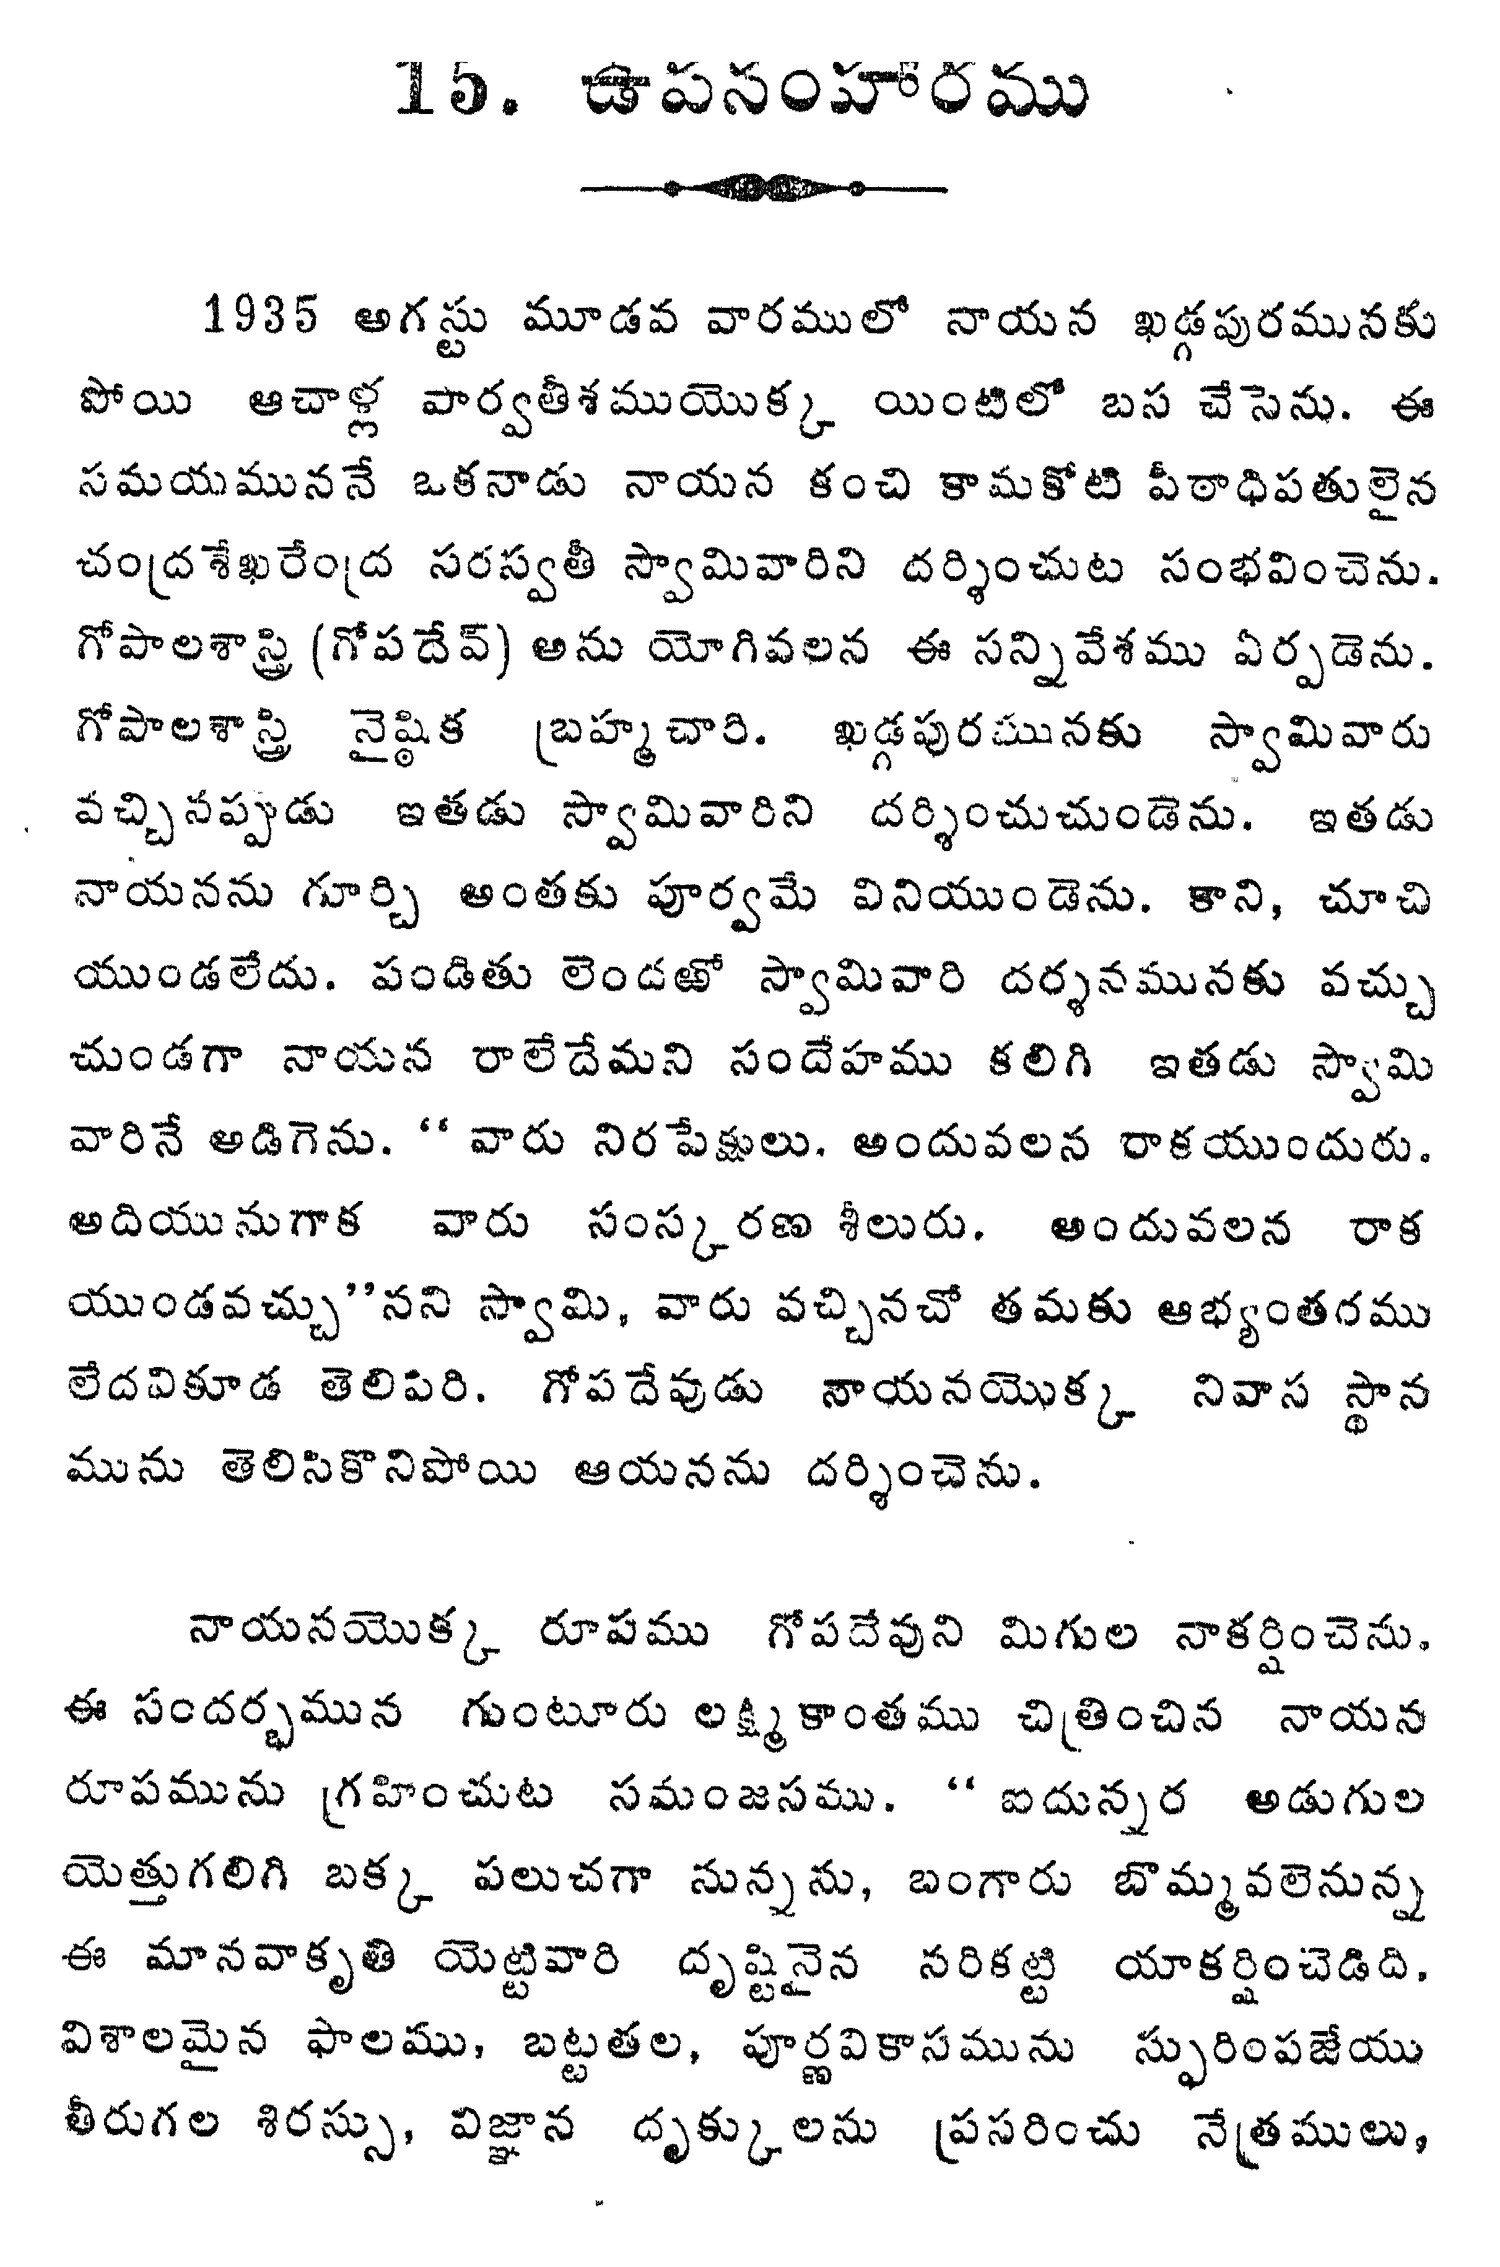1935 ఆగష్టు మూడవ వారములో నాయన ఖడ్గపురమునకు పోయి ఆచాళ్ల పార్వతీశము యొక్క యింటిలో బస చేసెను. ఈ సమయముననే ఒకనాడు నాయన కంచి కామకోటి పీఠాధిపతులైన చంద్రశేఖరేంద్ర సరస్వతీ స్వామివారిని దర్శించుట సంభవించెను. గోపాలశాస్త్రి (గోపదేవ్) అను యోగివలన ఈ సన్నివేశము ఏర్పడెను. గోపాలశాస్త్రి నైష్ఠిక బ్రహ్మచారి. ఖడ్గపురమునకు స్వామివారు వచ్చినప్పుడు ఇతడు స్వామివారిని దర్శించుచుండెను. ఇతడు నాయనను గూర్చి అంతకు పూర్వమే వినియుండెను. కాని, చూచి యుండలేదు. పండితు లెందఱో స్వామివారి దర్శనమునకు వచ్చు చుండగా నాయన రాలేదమని సందేహము కలిగి ఇతడు స్వామి వారినే అడిగెను. " వారు నిరపేక్షులు. అందువలన రాకయుందురు. అదియునుగాక వారు సంస్కరణ శీలురు. అందువలన రాక యుండవచ్చు" నని స్వామి, వారు వచ్చినచో తమకు అభ్యంతరము లేదనికూడ తెలిపిరి. గోపదేవుడు నాయనయొక్క నివాస స్థానమును తెలిసికొనిపోయి ఆయనను దర్శించెను. 

నాయనయొక్క రూపము గోపదేవుని మిగుల నాకర్షించెను. ఈ సందర్భమున గుంటూరు లక్ష్మీకాంతము చిత్రించిన నాయన రూపమును గ్రహించుట సమంజసము. "ఇదున్నర అడుగుల యెత్తుగలిగి బక్క పలుచగా నున్నను, బంగారు బొమ్మవలెనున్న ఈ మానవాకృతి యెట్టివారి దృష్టినైన నరికట్టి యాకర్షించెడిది. విశాలమైన ఫాలము, బట్టతల, పూర్ణవికాసమును స్ఫురింపజేయు తీరుగల శిరస్సు, విజ్ఞాన దృక్కులను ప్రసరించు నేత్రములు,